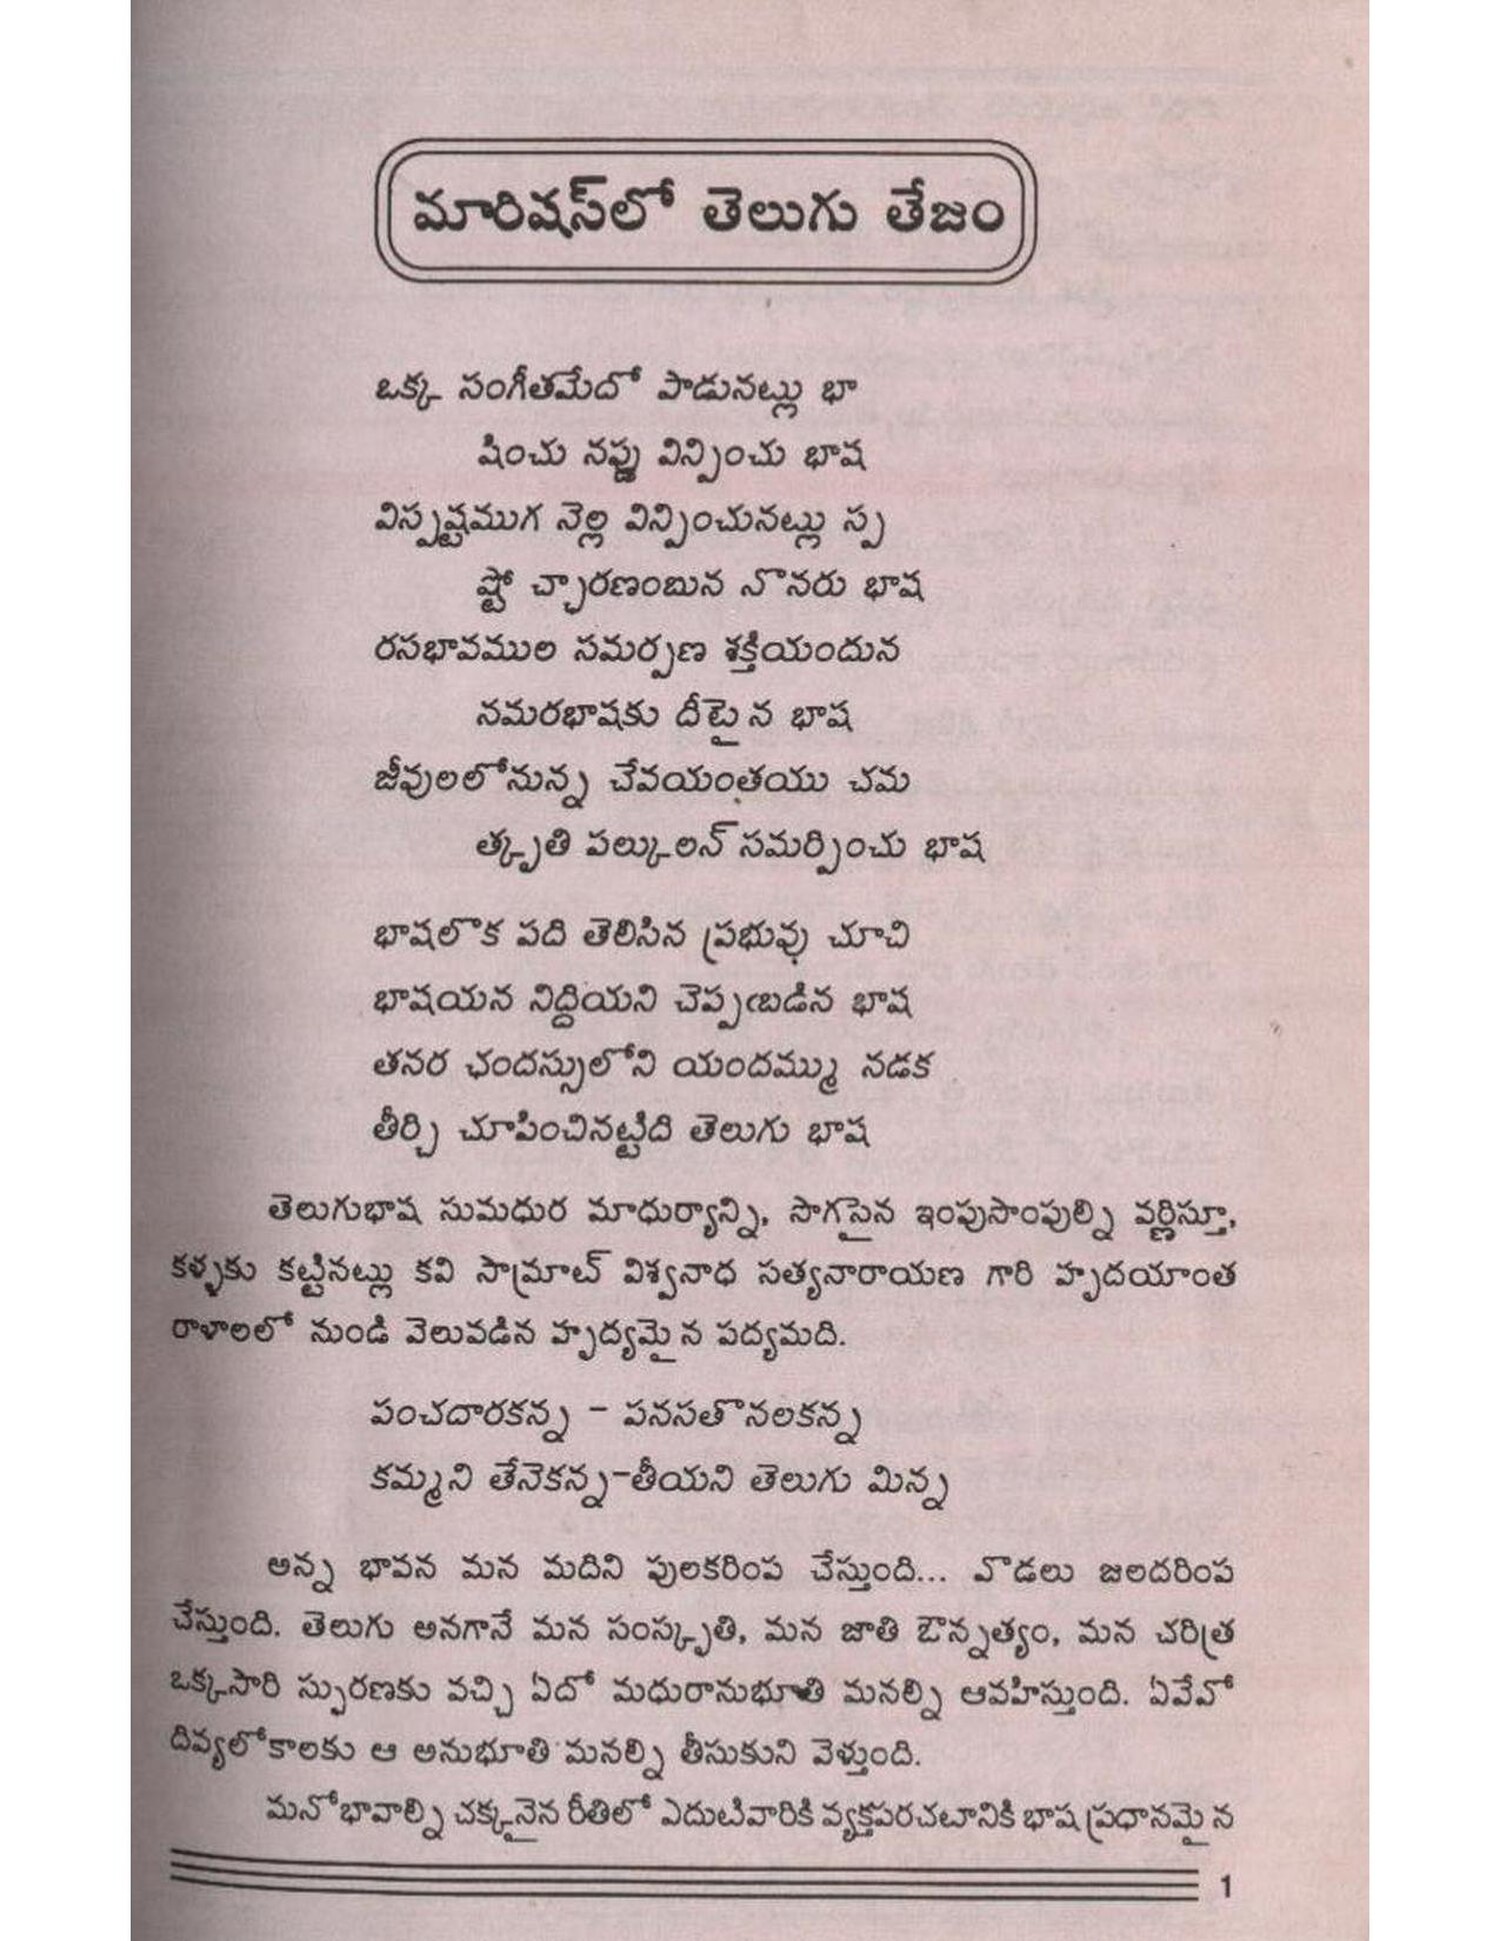తెలుగుభాష సుమధుర మాధుర్యాన్ని సొగసైన ఇంపుసాంపుల్ని వర్ణిస్తూ కళ్ళకు కట్టినట్టు కవి సామ్రాట్ విశ్వనాధ సత్యనారాయణ గారి హృదయాంత రాళాలలో నుండి వెలువడిన హృద్యమైన పద్యమది.

అన్న భావన మన మదిని పులకరింప చేస్తుంది. వొడలు జలదరింప చేస్తుంది. తెలుగు అనగానే మన సంస్కృతి, మన జాతి ఔన్నత్యం, మన చరిత్ర ఒక్కసారి స్పురణకు వచ్చి ఏదో మధురానుభూతి మనల్ని ఆవహిస్తుంది. ఏవేవో దివ్యలోకాలకు ఆ అనుభూతి మనల్ని తీసుకుని వెళ్తుంది.

మనోభావాల్ని చక్కనైన రీతిలో ఎదుటివారికి వ్యక్తపరచటానికి భాష ప్రధానమైన